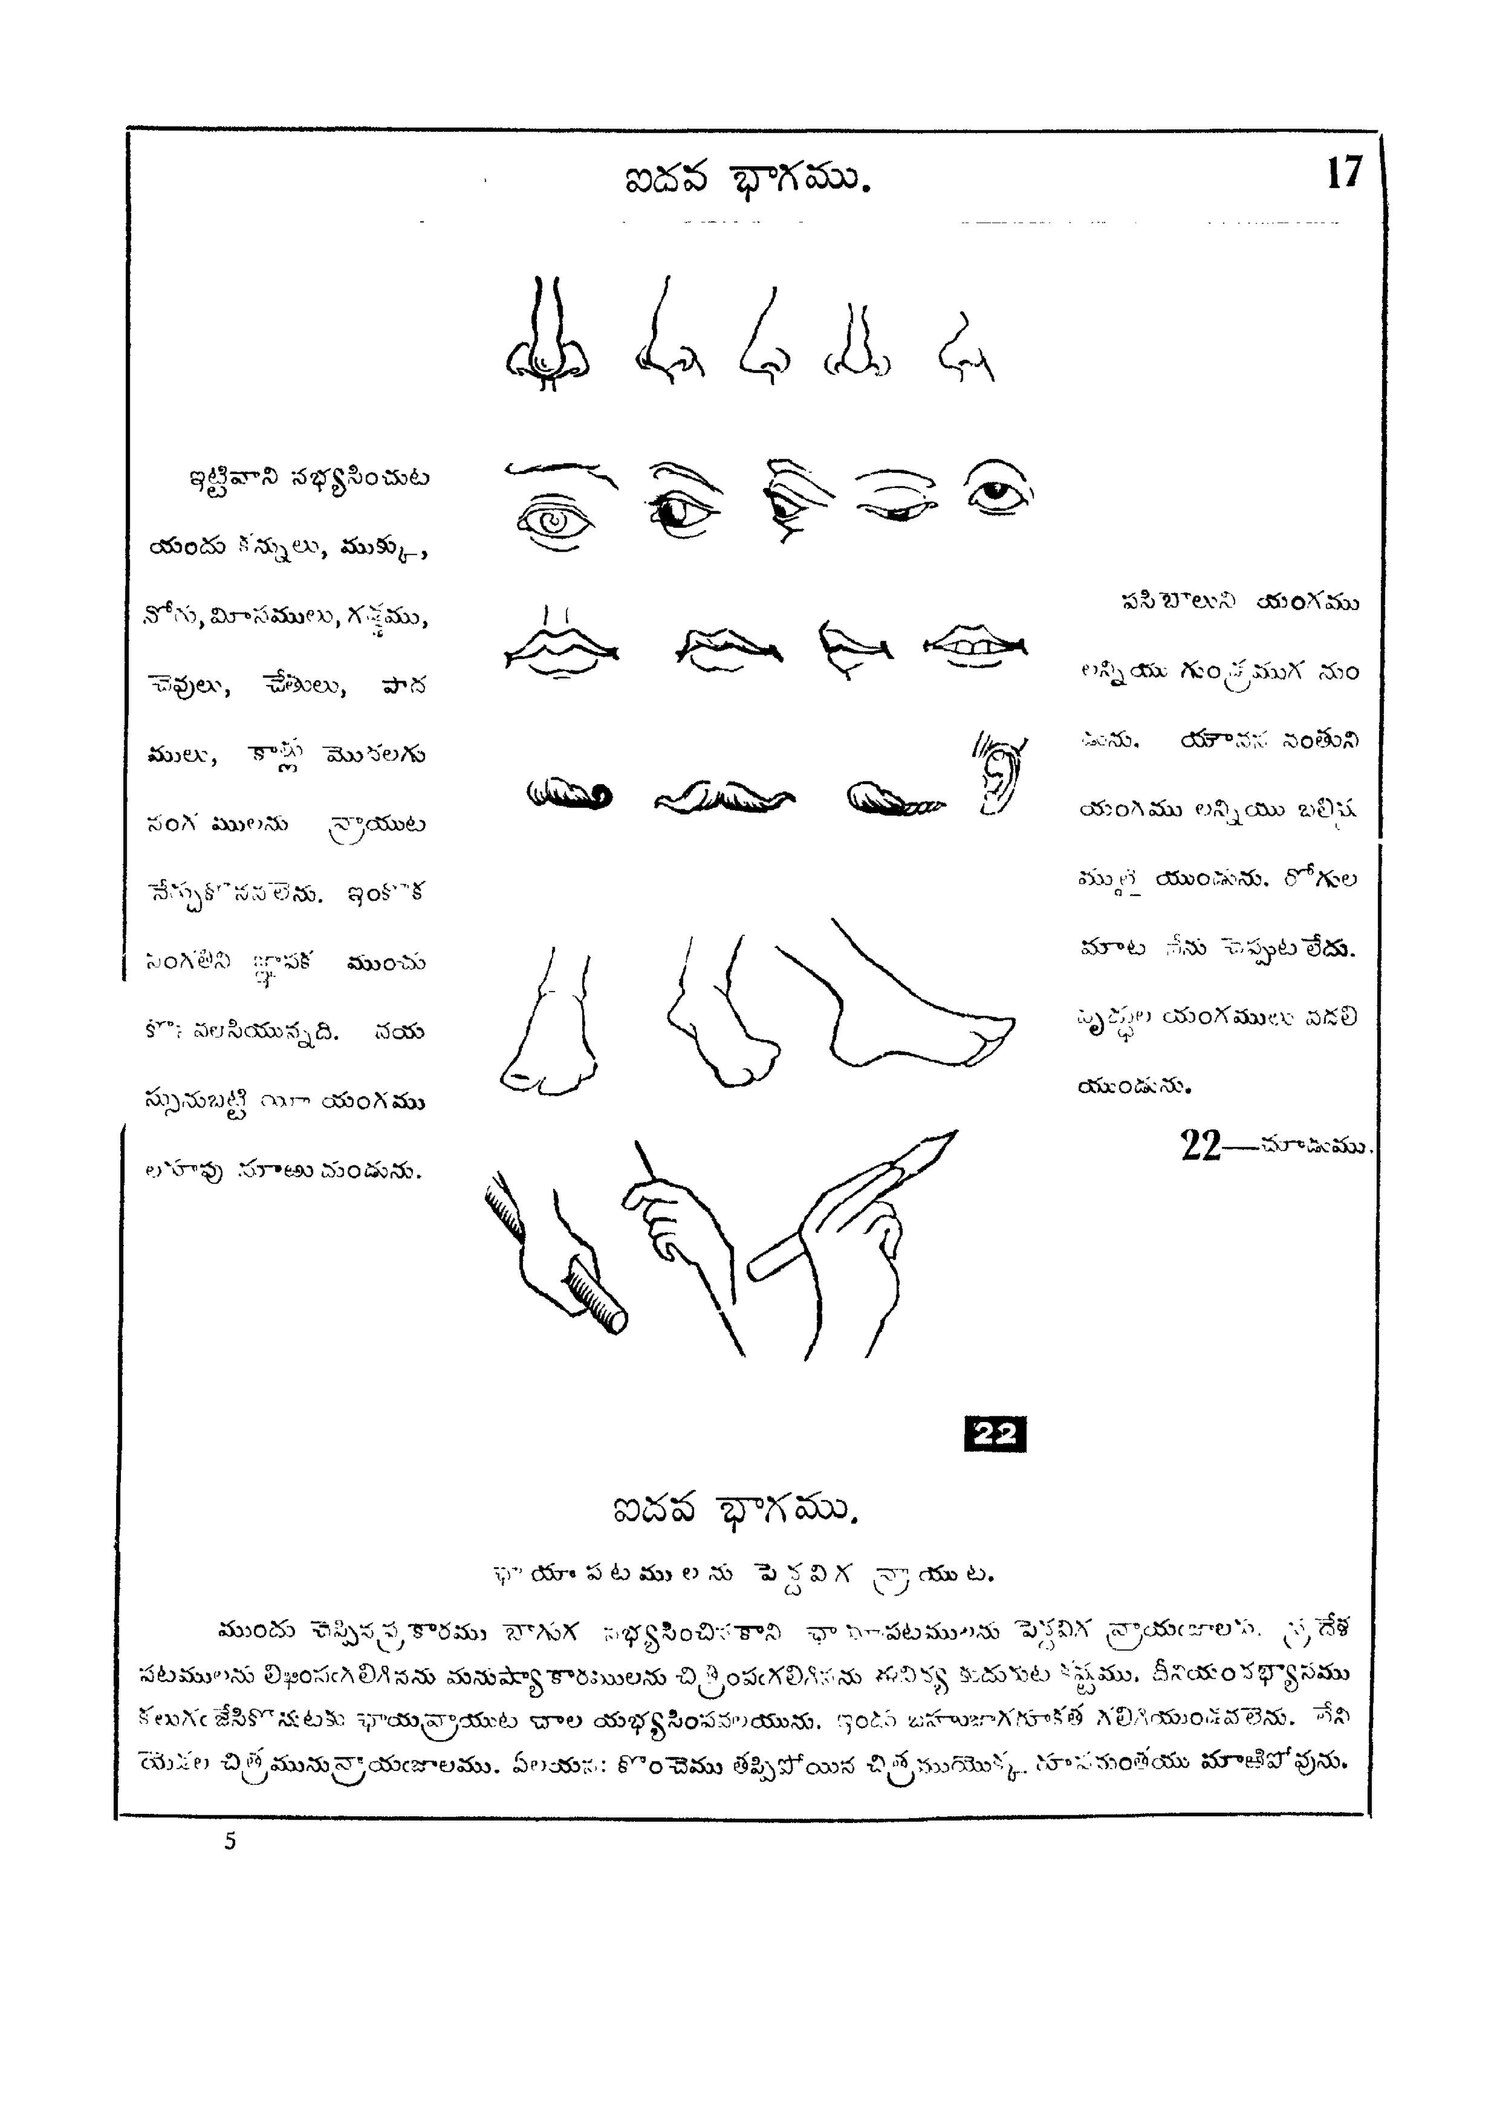ఇట్టివాని నభ్యసించుట యందు కన్నులు, ముక్కు, నోరు, మీసములు, గడ్డము, చెవులు, చేతులు, పాదములు, కాళ్లు మొదలగు నంగములను వ్రాయుట నేర్చుకొనవలెను. ఇంకొక సంగతిని జ్ఞాపక ముంచుకొనవలసియున్నది. వయస్సునుబట్టి యా యంగములరూపు మాఱుచుండును.

పసిబాలుని యంగములన్నియు గుండ్రముగ నుండును. యౌవన వంతుని యంగము లన్నియు బలిష్టములై యుండును. రోగులమాట నేను చెప్పుటలేదు. వృద్ధుల యంగములు వదలి యుండును. 22 - చూడుము.

ముందు చెప్పినప్రకారము బాగుగ నభ్యసించినకాని ఛాయాపటములను పెద్దవిగ వ్రాయజాలరు. ప్రదేశ పటములను లిఖింపగలిగినను మనుష్యాకారములను చిత్రింపగలిగినను ఈవిద్యకుదురుట కష్టము. దీనియందభ్యాసము కలుగజేసికొనుటకు ఛాయవ్రాయుట చాల యభ్యసింపవలయును. ఇందు బహుజాగరూకత గలిగియుండవలెను. లేనియెడల చిత్రమునువ్రాయజాలము. ఏలయన: కొంచెము తప్పిపోయిన చిత్రముయొక్క రూపమంతయు మాఱిపోవును.